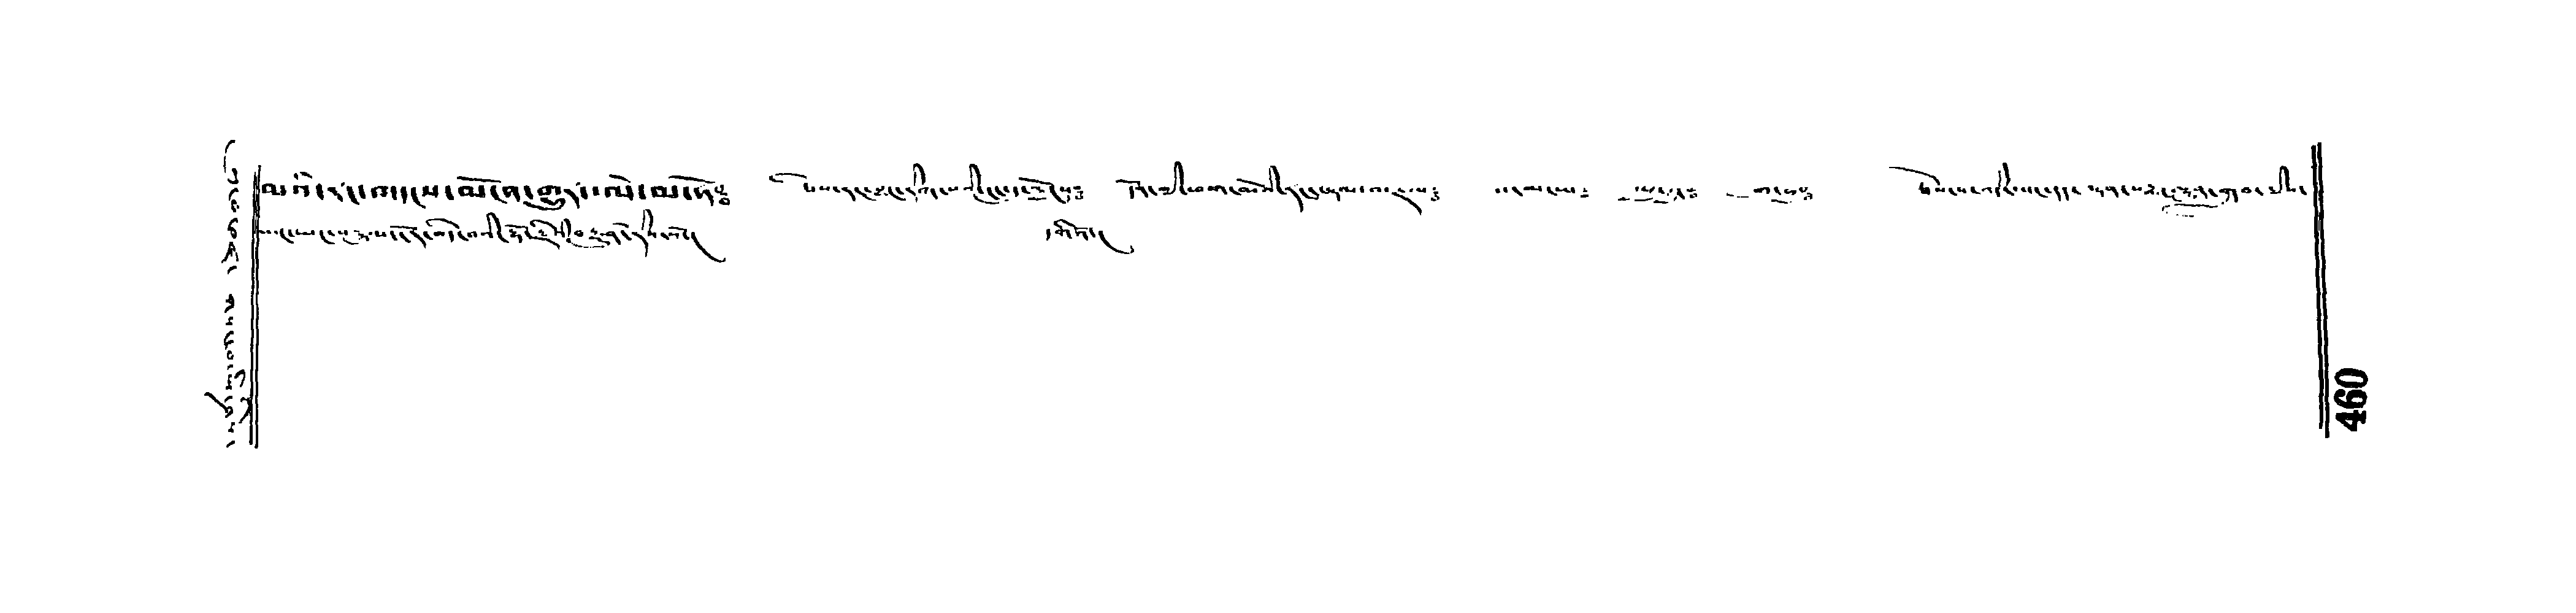མའི་རང་གདངས་མངོན་གྱུར་ཨེ་མ་ཧོ༔ ཅེས་རང་བྱུང་རིག་པའི་ངང་དུ་སྐྱོངས༔ དོན་གྱི་ཕག་མོའི་རང་ཞལ་མཇལ༔ ས་མ་ཡ༔ རྒྱ་རྒྱ་རྒྱ༔ གུ་ཧྱ༔ ཅེས་པ་འདི་ཡང་དད་ལྡན་པདྨ་ལྷུན་གྲུབ་ཀྱིས་
ཡང་ཡང་བསྐུལ་ངོར་བདེ་བའི་རྡོ་རྗེའི་བརྫུན་རིས་སོ།། དགེའོ།།